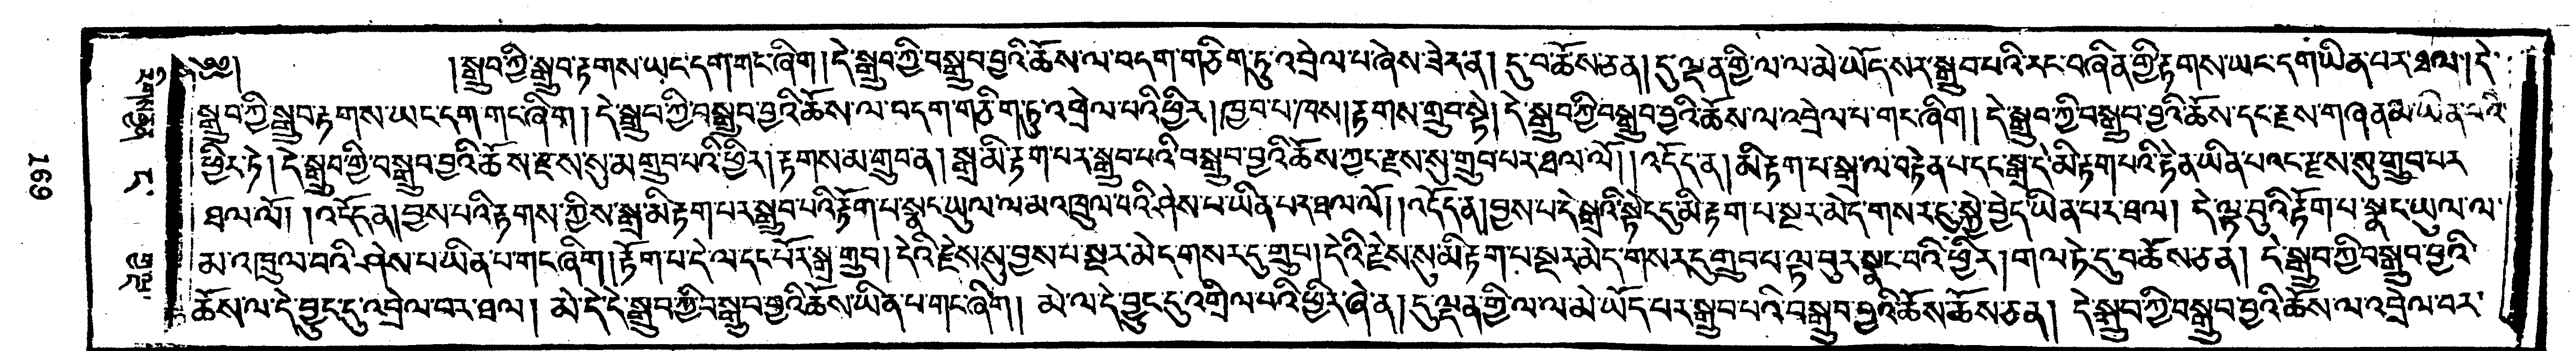༄༅། །སྒྲུབ་ཀྱི་སྒྲུབ་རྟགས་ཡང་དག་གང་ཞིག །དེ་སྒྲུབ་ཀྱི་བསྒྲུབ་བྱའི་ཆོས་ལ་བདག་གཅིག་ཏུ་འབྲེལ་པ་ཞེས་ཟེར་ན། དུ་བ་ཆོས་ཅན། དུ་ལྡན་གྱི་ལ་ལ་མེ་ཡོད་པར་སྒྲུབ་པའི་རང་བཞིན་གྱི་རྟགས་ཡང་དག་ཡིན་པར་ཐལ། དེ་
སྒྲུབ་ཀྱི་སྒྲུབ་རྟགས་ཡང་དག་གང་ཞིག །དེ་སྒྲུབ་ཀྱི་བསྒྲུབ་བྱའི་ཆོས་ལ་བདག་གཅིག་ཏུ་འབྲེལ་བའི་ཕྱིར། ཁྱབ་པ་ཁས། རྟགས་གྲུབ་སྟེ། དེ་སྒྲུབ་ཀྱི་བསྒྲུབ་བྱའི་ཆོས་ལ་འབྲེལ་པ་གང་ཞིག །དེ་སྒྲུབ་ཀྱི་བསྒྲུབ་བྱའི་ཆོས་དང་རྫས་གཞན་མ་ཡིན་པའི་
ཕྱིར་ཏེ། དེ་སྒྲུབ་ཀྱི་བསྒྲུབ་བྱའི་ཆོས་རྫས་སུ་མ་གྲུབ་པའི་ཕྱིར། རྟགས་མ་གྲུབ་ན། སྒྲ་མི་རྟག་པར་སྒྲུབ་པའི་བསྒྲུབ་བྱའི་ཆོས་ཀྱང་རྫས་སུ་གྲུབ་པར་ཐལ་ལོ། །འདོད་ན། མི་རྟག་པ་སྒྲ་ལ་བརྟེན་པ་དང་སྒྲ་དེ་མི་རྟག་པའི་རྟེན་ཡིན་པའང་རྫས་སུ་གྲུབ་པར་
ཐལ་ལོ། །འདོད་ན། བྱས་པའི་རྟགས་ཀྱིས་སྒྲ་མི་རྟག་པར་སྒྲུབ་པའི་རྟོག་པ་སྣང་ཡུལ་ལ་མ་འཁྲུལ་བའི་ཤེས་པ་ཡིན་པར་ཐལ་ལོ། །འདོད་ན། བྱས་པ་དེ་སྒྲའི་སྟེང་དུ་མི་རྟག་པ་སྔར་མེད་གསར་དུ་སྐྱེ་བྱེད་ཡིན་པར་ཐལ། དེ་ལྟ་བུའི་རྟོག་པ་སྣང་ཡུལ་ལ་
མ་འཁྲུལ་བའི་ཤེས་པ་ཡིན་པ་གང་ཞིག །རྟོག་པ་དེ་ལ་དང་པོར་སྒྲ་གྲུབ། དེའི་རྗེས་སུ་བྱས་པ་སྔར་མེད་གསར་དུ་གྲུབ། དེའི་རྗེས་སུ་མི་རྟག་པ་སྔར་མེད་གསར་དུ་གྲུབ་པ་ལྟ་བུར་སྣང་བའི་ཕྱིར། གལ་ཏེ་དུ་བ་ཆོས་ཅན། དེ་སྒྲུབ་ཀྱི་བསྒྲུབ་བྱའི་
ཆོས་ལ་ངེ་བྱུང་དུ་འབྲེལ་པར་ཐལ། མེ་དེ་དེ་སྒྲུབ་ཀྱི་བསྒྲུབ་བྱའི་ཆོས་ཡིན་པ་གང་ཞིག །མེ་ལ་དེ་བྱུང་དུ་འགྲེལ་པའི་ཕྱིར་ཞེ་ན། དུ་ལྡན་གྱི་ལ་ལ་མེ་ཡོད་པར་སྒྲུབ་པའི་བསྒྲུབ་བྱའི་ཆོས་ཆོས་ཅན། དེ་སྒྲུབ་ཀྱི་བསྒྲུབ་བྱའི་ཆོས་ལ་འབྲེལ་པར་